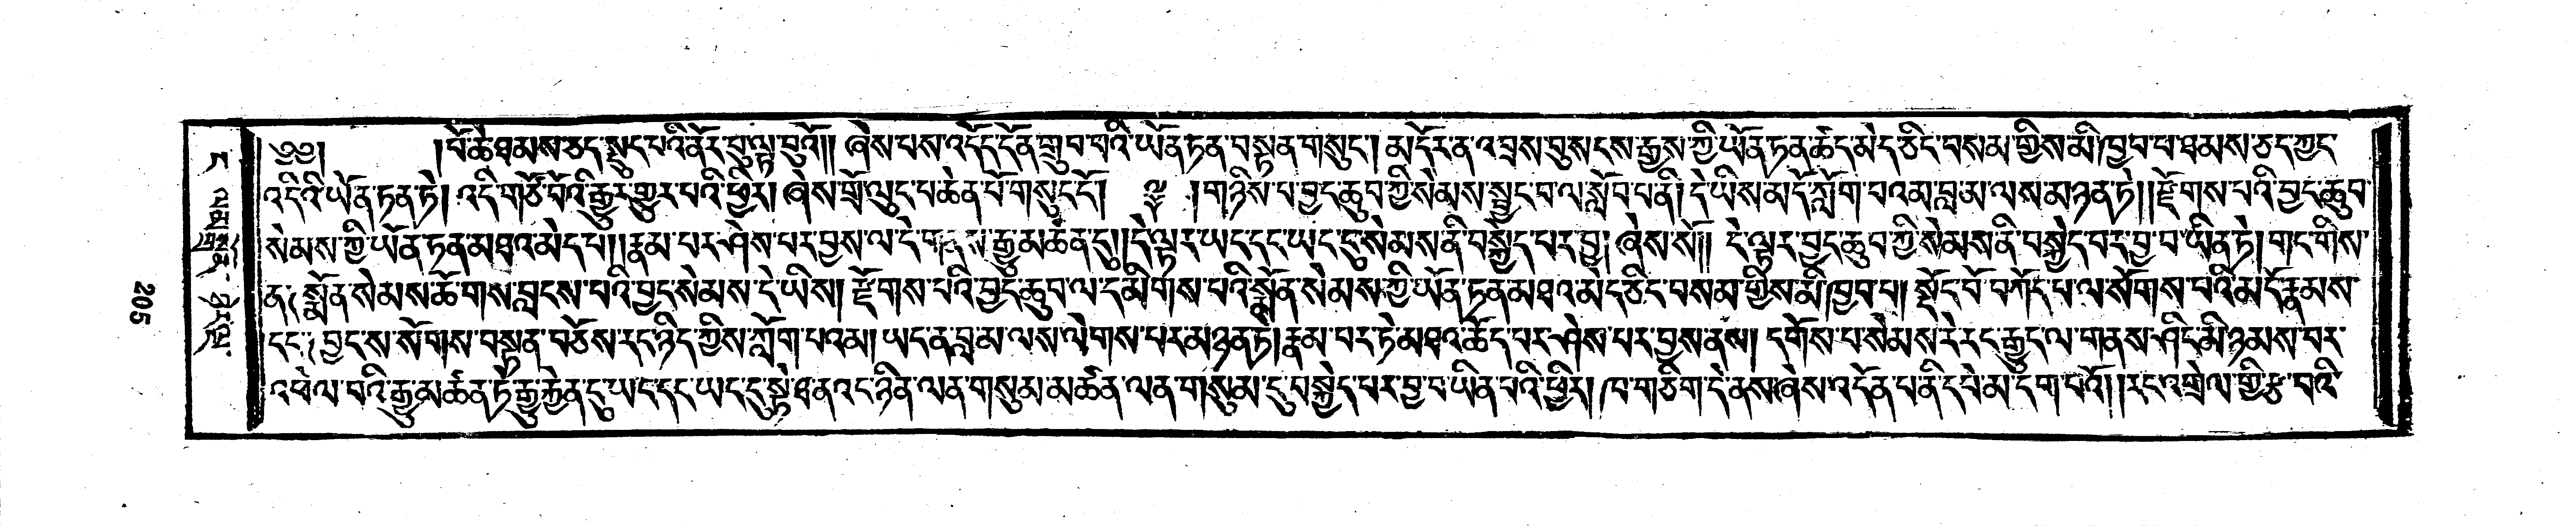༄༅། །པོ་ཆེ་ཐམས་ཅད་སྡུག་པའི་ནོར་བུ་ལྟ་བུའོ། །ཞེས་པས་འདོད་དོན་གྲུབ་པའི་ཡོན་ཏན་བསྟན་གསུང་། མདོར་ན་འབྲས་བུ་སངས་རྒྱས་ཀྱི་ཡོན་ཏན་ཚད་མེད་ཅིང་བསམ་གྱིས་མི་ཁྱབ་པ་ཐམས་ཅད་ཀྱང་
འདིའི་ཡོན་ཏན་ཏེ། འདི་གཙོ་བོའི་རྒྱུར་གྱུར་པའི་ཕྱིར། ཞེས་གྲོ་ལུང་པ་ཆེན་པོ་གསུང་ངོ། ༈ །གཉིས་པ་བྱང་ཆུབ་ཀྱི་སེམས་སྦྱོང་བ་ལ་སློབ་པ་ནི། དེ་ཡིས་མདོ་ཀློག་པའམ་བླ་མ་ལས་མཉན་ཏེ། །རྫོགས་པའི་བྱང་ཆུབ་
སེམས་ཀྱི་ཡོན་ཏན་མཐའ་མེད་པ། །རྣམ་པར་ཤེས་པར་བྱས་ལ་དེ་གནས་རྒྱུ་མཚན་དུ། །དེ་ལྟར་ཡང་དང་ཡང་དུ་སེམས་ནི་བསྐྱེད་པར་བྱ། ཞེས་སོ། །དེ་ལྟར་བྱང་ཆུབ་ཀྱི་སེམས་ནི་བསྐྱེད་པར་བྱ་བ་ཡིན་ཏེ། གང་གིས་
ན། སྨོན་སེམས་ཆོ་གས་བླངས་པའི་བྱང་སེམས་དེ་ཡིས། རྫོགས་པའི་བྱང་ཆུབ་ལ་དམིགས་པའི་སྨོན་སེམས་ཀྱི་ཡོན་ཏན་མཐའ་མེད་ཅིང་བསམ་གྱིས་མི་ཁྱབ་པ། སྡོང་པོ་བཀོད་པ་ལ་སོགས་པའི་མདོ་རྣམས་
དང་། བྱང་ས་སོགས་བསྟན་བཅོས་རང་ཉིད་ཀྱིས་ཀློག་པའམ། ཡང་ན་བླ་མ་ལས་ལེགས་པར་མཉན་ཏེ། རྣམ་པར་ཏེ་མཐའ་ཆོད་པར་ཤེས་པར་བྱས་ནས། དགོས་པ་སེམས་རེ་རང་རྒྱུད་ལ་གནས་ཤིང་མི་ཉམས་པར་
འཕེལ་བའི་རྒྱུ་མཚན་ཏེ་རྒྱུ་རྐྱེན་དུ་ཡང་དང་ཡང་དུ་སྟེ་ཐ་ནའང་ཉིན་ལན་གསུམ་མཚན་ལན་གསུམ་དུ་བསྐྱེད་པར་བྱ་བ་ཡིན་པའི་ཕྱིར། ཁ་གཅིག་དེ་ནས་ཞེས་འདོན་པ་ནི་དཔེ་མ་དག་པའོ། །རང་འགྲེལ་གྱི་རྩ་བའི་